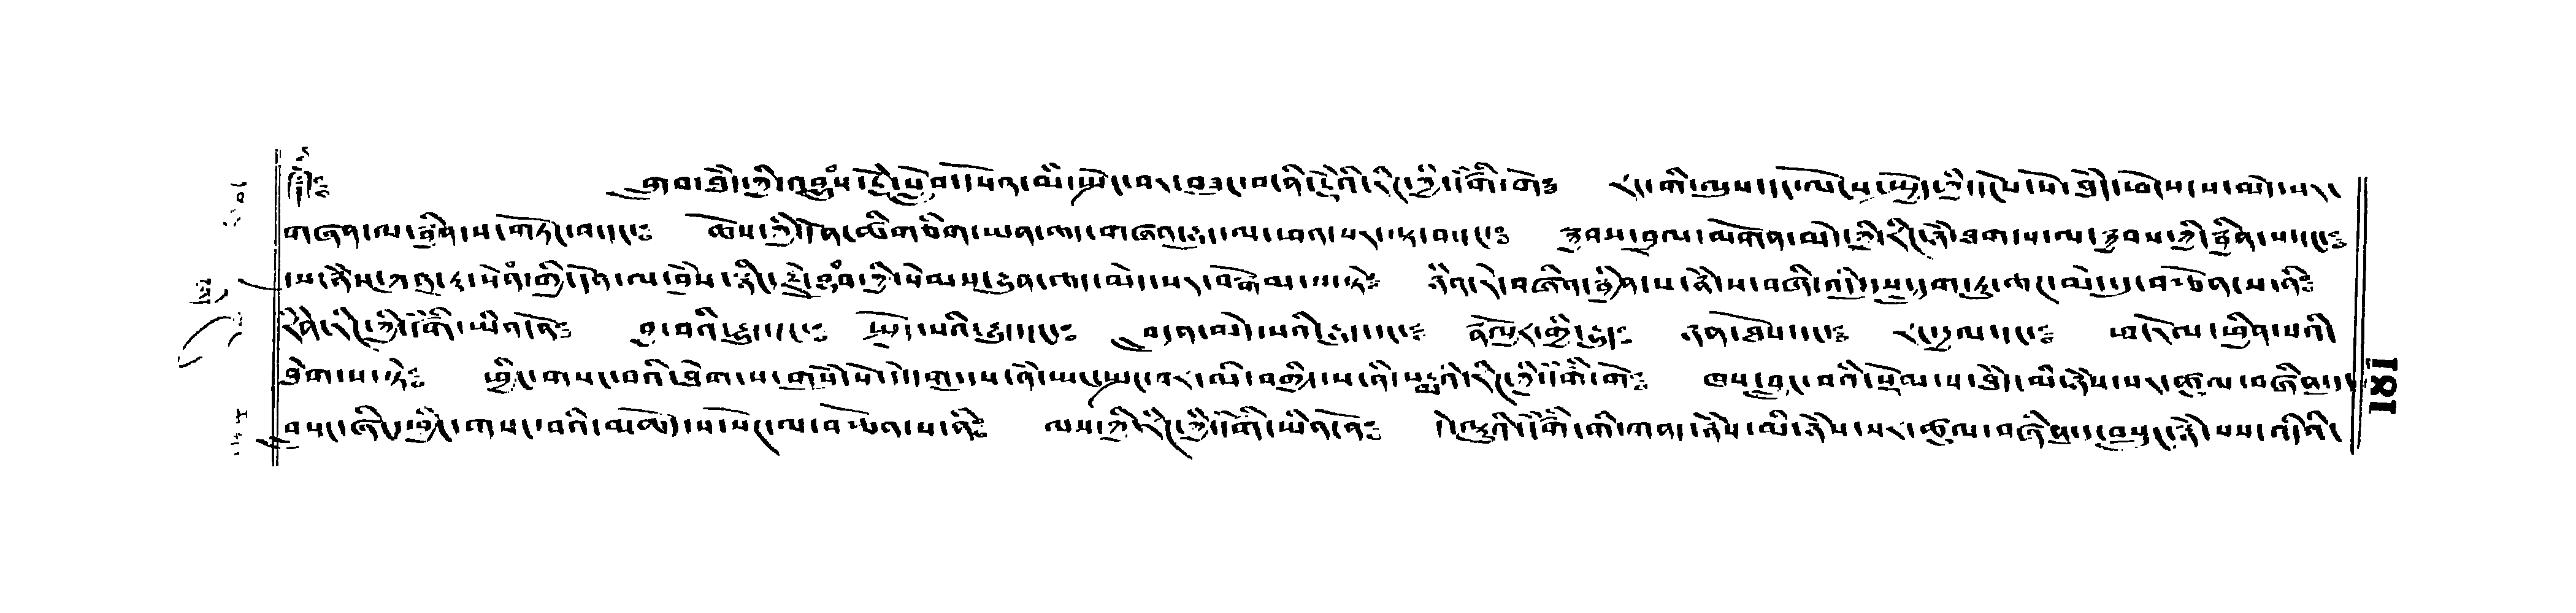གྲུབ་ཐམས་ཅད་ཀྱི་འབྱུང་གནས་རྡོ་རྗེ་སློབ་དཔོན་མི་སྤོང་པར་བཟུང་བ་ནི་རྡོ་རྗེའི་རིགས་ཀྱི་དམ་ཚིག་གོ༔ རང་གི་ལུས་དང་ལོངས་སྤྱོད་ཀྱི་དངོས་པོ་ཐམས་ཅད་ཕོངས་པ་མེད་པར་
གཞན་ལ་སྦྱིན་པ་གཏོང་བ་དང༔ ཆོས་ཀྱི་དོན་ཚིག་གཅིག་ཡན་ཆད་གཞན་རྒྱུད་ལ་ཕན་པར་ལྟ་བ་དང༔ སྐྱབས་བྲལ་མགོན་མེད་ཀྱི་རིགས་ཉམ་ཐག་པ་ལ་སྐྱབས་ཀྱི་སྦྱིན་པ་དང༔ 
དུས་རྣམས་ཀུན་ཏུ་སེམས་ཅན་གྱི་དོན་ལ་བྱམས་སྙིང་རྗེ་བྱང་ཆུབ་ཀྱི་སེམས་རྒྱུན་ཆད་མེད་པར་སྒོམ་པ་སྟེ༔ཉིན་རེ་བཞིན་སྦྱིན་པ་རྣམ་པ་བཞི་འདི་དུས་དྲུག་ཏུ་ཆགས་མེད་དུ་བརྩོན་པ་ནི༔ 
རིན་ཆེན་རིགས་ཀྱི་དམ་ཚིག་ཡིན་ནོ༔ བྱ་བའི་རྒྱུད་དང༔ སྤྱོད་པའི་རྒྱུ་དང༔ བླ་ན་མེད་པའི་རྒྱུད་དང༔ རྣལ་འབྱོར་གྱི་རྒྱུད༔ ཉན་ཐོས་དང༔ རང་རྒྱལ་དངཿ ཕ་རོལ་ཕྱིན་པའི་
ཐེག་པ་སྟེ༔ ཕྱི་ནང་གསང་བའི་ཐེག་པ་གསུམ་པོ་དེ་དག་དུས་ནམ་ཡང་སྤང་བར་མི་བགྱིད་པ་ནི་པདྨའི་རིགས་ཀྱི་དམ་ཚིག་གོ༔ ཁས་བླངས་བའི་སྡོམ་པ་ཐམས་ཅད་མི་ཉམས་པར་ཚུལ་བཞིན་དུ་
བསྲུང་ཞིང་ཕྱི་ནང་གསང་བའི་མཆོད་པ་སོགས་ལ་བརྩོན་པ་ནི༔ ལས་ཀྱི་རིགས་ཀྱི་དམ་ཚིག་ཡིན་ནོ༔ དེ་ལྟ་བུའི་དམ་ཚིག་གི་གནད་རྣམས་མི་ཉམས་པར་ཚུལ་བཞིན་དུ་བསྲུང་སྙམ་པས་འདིའི་